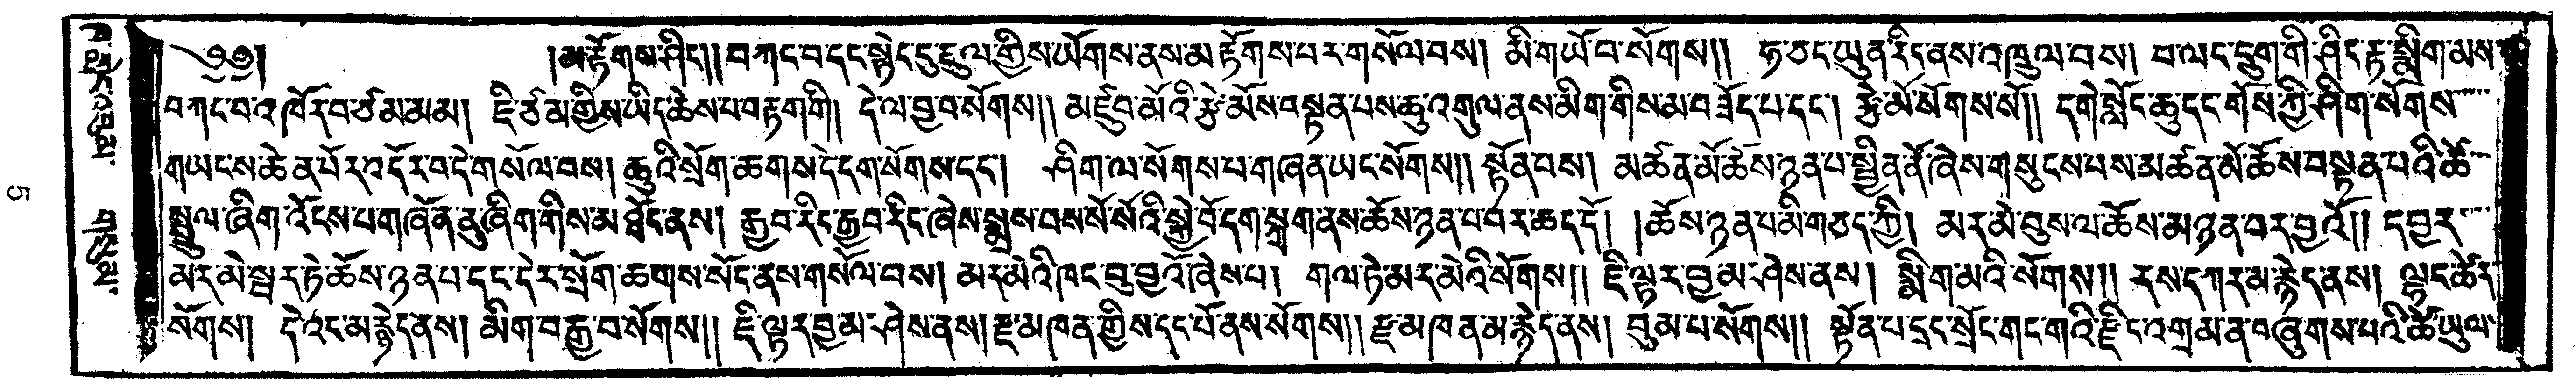༄༅། །མ་རྟོགས་ཤིང་། །བཀང་བ་དང་སྟེང་དུ་རྡུལ་གྱིས་ཡོགས་ནས་མྲྟོགས་པར་གསོལ་བས། མི་གཡོ་བ་སོགས།། ཧ་ཅང་ཡུན་རིང་ནས་འཁྲུལ་བས། བ་ལང་དྲུག་གི་ཤིང་རྟ་སྨྲིག་མས་
བཀང་བ་འཁོར་བ་ཙམ་མམ། ཇི་ཙམ་གྱིས་ཡིད་ཆེས་པ་བརྟག་གི། དེ་ལ་བྱ་བ་སོགས།། མཛུབ་མོའི་རྩེ་མོས་བསྟན་པས་ཆུ་འགུལ་ནས་མིག་གིས་མ་བཟོད་པ་དང་། རྩེ་མོ་སོགས་སོ།། དགེ་སློང་ཆུ་དང་གོས་ཀྱི་ཤིག་སོགས་
གཡང་ས་ཆེན་པོར་འདོར་བ་དེ་གསོལ་བས། ཆུའི་སྲོག་ཆགས་དེ་དག་སོགས་དང་། ཤིག་ལ་སོགས་པ་གཞན་ཡང་སོགས།། སྟོན་པས། མཚན་མོ་ཆོས་ཉན་པ་སྦྱིན་ནོ་ཞེས་གསུངས་པས་མཚན་མོ་ཆོས་བསྟན་པའི་ཚེ་
སྦྲུལ་ཞིག་འོངས་པ་གཞོན་ནུ་ཞིག་གིས་མཐོང་ནས། རྒྱབ་རིང་རྒྱབ་རིང་ཞེས་སྨྲས་པས་སོ་སོའི་སྐྱེ་བོ་དག་སྐྲག་ནས་ཆོས་ཉན་པ་བར་ཆད་དོ། །ཆོས་ཉན་པ་མི་གཅད་ཀྱི། མར་མེ་བུས་ལ་ཆོས་མཉན་པར་བྱའོ།། དབྱར་
མར་མེ་སྦར་ཏེ་ཆོས་ཉན་པ་དང་དེར་སྲོག་ཆགས་སོང་ནས་གསོལ་བས། མར་མེའི་ཁང་བུ་བྱའོ་ཞེས་པ། གལ་ཏེ་མར་མེའི་སོགས།། ཇི་ལྟར་བྱ་མ་ཤེས་ནས། སྨིག་མའི་སོགས།། རས་དཀར་མ་རྙེད་ནས། ལྷང་ཚེར་
སོགས། དེའང་མ་རྙེད་ནས། མིག་བརྒྱ་བ་སོགས།། ཇི་ལྟར་བྱ་མ་ཤེས་ནས། རྫ་མཁན་གྱིས་དང་པོ་ནས་སོགས།། རྫ་མཁན་མ་རྙེད་ནས། བུམ་པ་སོགས།། སྟོན་པ་དྲང་སྲོང་གང་གའི་རྫིང་འགྲམ་ན་བཞུགས་པའི་ཚེ་ཡུལ་